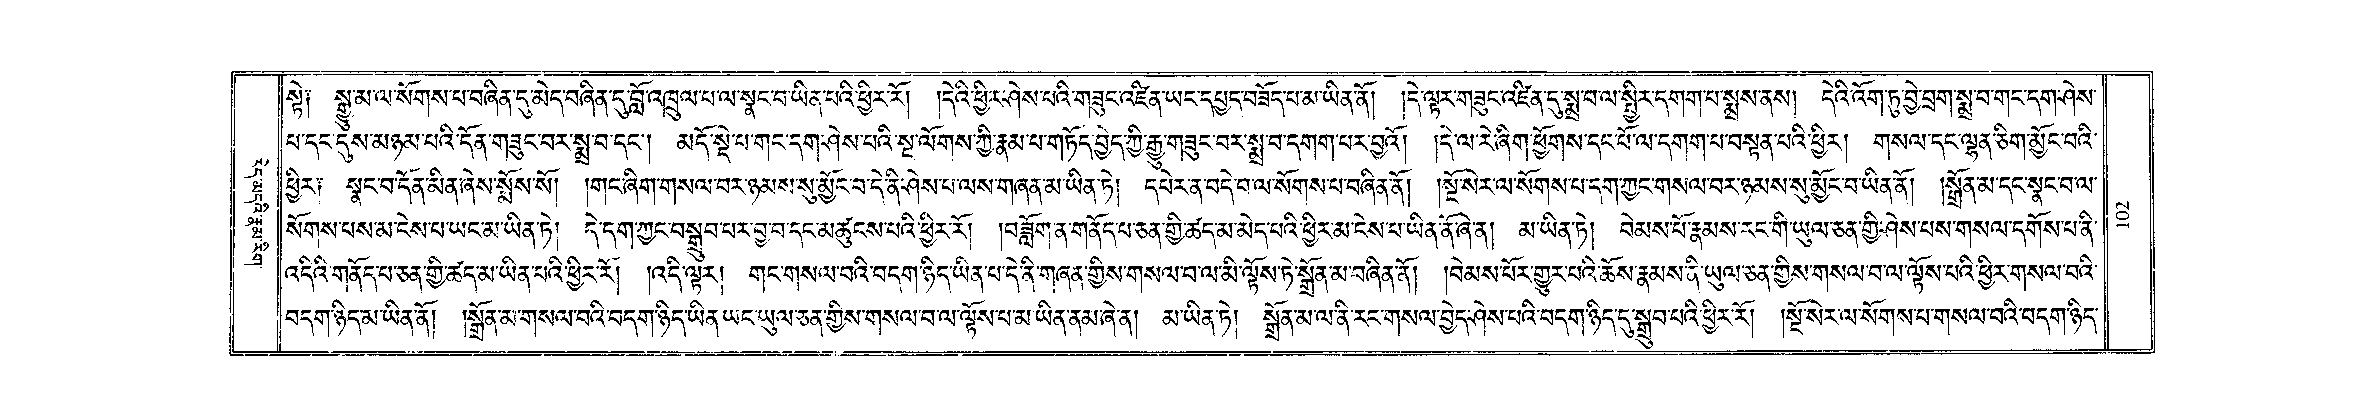སྟེ༑ སྒྱུ་མ་ལ་སོགས་པ་བཞིན་དུ་མེད་བཞིན་དུ་བློ་འཁྲུལ་པ་ལ་སྣང་བ་ཡིན་པའི་ཕྱིར་རོ། །དེའི་ཕྱིར་ཤེས་པའི་གཟུང་འཛིན་ཡང་དཔྱད་བཟོད་པ་མ་ཡིན་ནོ། །དེ་ལྟར་གཟུང་འཛིན་དུ་སྨྲ་བ་ལ་སྤྱིར་དགག་པ་སྨྲས་ནས། དེའི་འོག་ཏུ་བྱེ་བྲག་སྨྲ་བ་གང་དག་ཤེས་
པ་དང་དུས་མཉམ་པའི་དོན་གཟུང་བར་སྨྲ་བ་དང་། མདོ་སྡེ་པ་གང་དག་ཤེས་པའི་སྔ་ལོགས་ཀྱི་རྣམ་པ་གཏོད་བྱེད་ཀྱི་རྒྱུ་གཟུང་བར་སྨྲ་བ་དགག་པར་བྱའོ། །དེ་ལ་རེ་ཞིག་ཕྱོགས་དང་པོ་ལ་དགག་པ་བསྟན་པའི་ཕྱིར། གསལ་དང་ལྷན་ཅིག་མྱོང་བའི་
ཕྱིར༑ སྣང་བ་དོན་མིན་ཞེས་སྨོས་སོ། །གང་ཞིག་གསལ་བར་ཉམས་སུ་མྱོང་བ་དེ་ནི་ཤེས་པ་ལས་གཞན་མ་ཡིན་ཏེ། དཔེར་ན་བདེ་བ་ལ་སོགས་པ་བཞིན་ནོ། །སྔོ་སེར་ལ་སོགས་པ་དག་ཀྱང་གསལ་བར་ཉམས་སུ་མྱོང་བ་ཡིན་ནོ། །སྒྲོན་མ་དང་སྣང་བ་ལ་
སོགས་པས་མ་ངེས་པ་ཡང་མ་ཡིན་ཏེ། དེ་དག་ཀྱང་བསྒྲུབ་པར་བྱ་བ་དང་མཚུངས་པའི་ཕྱིར་རོ། །བཟློག་ན་གནོད་པ་ཅན་གྱི་ཚད་མ་མེད་པའི་ཕྱིར་མ་ངེས་པ་ཡིན་ནོ་ཞེ་ན། མ་ཡིན་ཏེ། བེམས་པོ་རྣམས་རང་གི་ཡུལ་ཅན་གྱི་ཤེས་པས་གསལ་དགོས་པ་ནི་
འདིའི་གནོད་པ་ཅན་གྱི་ཚད་མ་ཡིན་པའི་ཕྱིར་རོ། །འདི་ལྟར། གང་གསལ་བའི་བདག་ཉིད་ཡིན་པ་དེ་ནི་གཞན་གྱིས་གསལ་བ་ལ་མི་ལྟོས་ཏེ་སྒྲོན་མ་བཞིན་ནོ། །བེམས་པོར་གྱུར་པའི་ཆོས་རྣམས་ནི་ཡུལ་ཅན་གྱིས་གསལ་བ་ལ་ལྟོས་པའི་ཕྱིར་གསལ་བའི་
བདག་ཉིད་མ་ཡིན་ནོ། །སྒྲོན་མ་གསལ་བའི་བདག་ཉིད་ཡིན་ཡང་ཡུལ་ཅན་གྱིས་གསལ་བ་ལ་ལྟོས་པ་མ་ཡིན་ནམ་ཞེ་ན། མ་ཡིན་ཏེ། སྒྲོན་མ་ལ་ནི་རང་གསལ་བྱེད་ཤེས་པའི་བདག་ཉིད་དུ་སྒྲུབ་པའི་ཕྱིར་རོ། །སྔོ་སེར་ལ་སོགས་པ་གསལ་བའི་བདག་ཉིད་